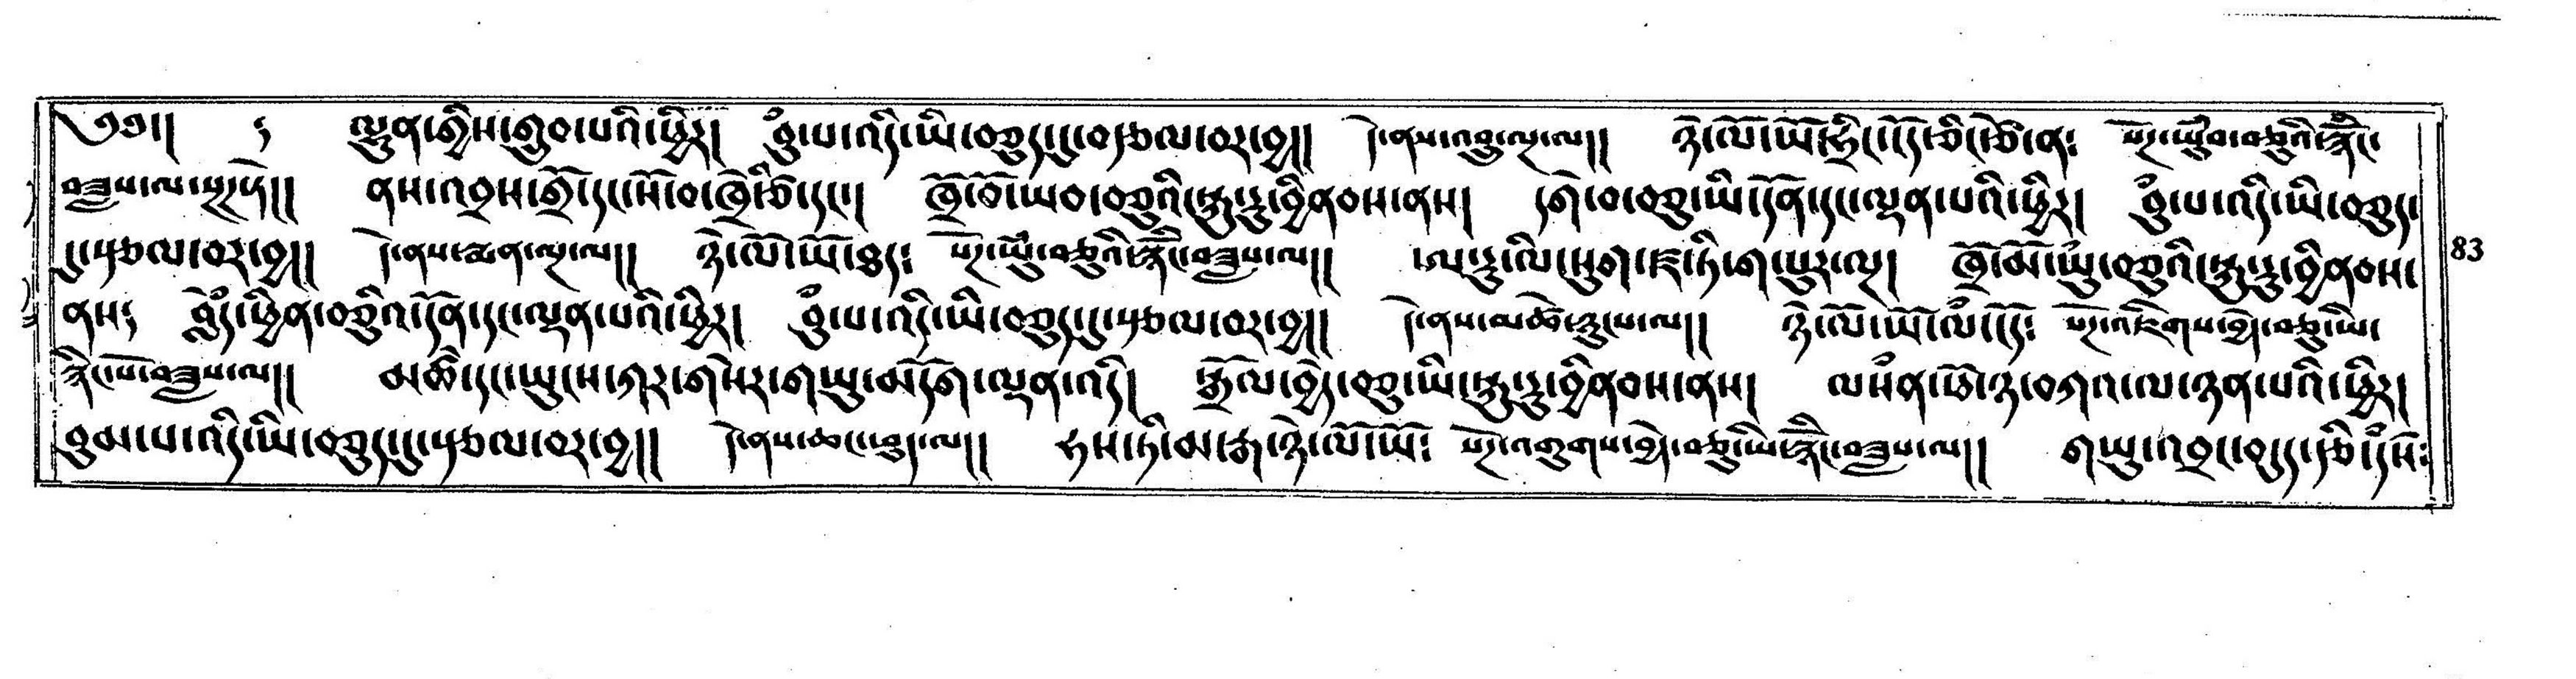ལྷུན་གྱིས་གྲུབ་པའི་ཕྱིར། བུམ་པ་འདི་ཡི་བཅུད་དུ་བརྩལ་བར་བྱ།། དེ་ནས་འབྲུ་ལྔ་ལ།། ཉེ་ལོ་ཡོ་ཧྲིང་ངོད་ཅིང་ཙེ་ན༴ སོགས་ཡབ་ཡུམ་བཅུའི་སྙིང་པོ་
བཟླས་ལ་སྔགས་ཏེ།། ནས་འབྲས་གྲོ་དང་སོ་བ་ཁྲེ་ཙི་དང་། ཁྲོ་བོ་ཡབ་བཅུའི་སྐུ་རུ་བྱིན་རླབས་ནས། དགེ་བ་བཅུ་ཡི་དོན་དང་ལྡན་པའི་ཕྱིར། བུམ་པ་འདི་ཡི་བཅུད་
དུ་སྩལ་བར་བྱ།། དེ་ནས་སྨན་ལྔ་ལ།། ཉེ་ལོ་ཡོ་ཐད༴ སོགས་ཡུམ་བཅུའི་སྙིང་པོ་བཟླས་ལ།། ཨ་རུ་ལི་སུག་ཛ་ཏི་ག་པུར་ལྔ། ཁྲོ་མོ་ཡུམ་བཅུའི་སྐུ་རུ་བྱིན་རླབས་
ནས། བླ་མེད་ཕྱིན་བཅུའི་དོན་དང་ལྡན་པའི་ཕྱིར། བུམ་པ་འདི་ཡི་བཅུད་དུ་སྩལ་བར་བྱ།། དེ་ནས་མཚེ་ཉུངས་ལ།། ཉེ་ལོ་ཡོ་ལམ་ངོད༴ སོགས་འཇིགས་བྱེད་བཅུ་ཡི་
སྙིང་པོ་བཟླས་ལ།། མཚེ་དང་ཡུངས་ཀར་གསེར་གཡུ་མདོག་ལྡན་འདི། སྒྲོལ་བྱེད་བཅུ་ཡི་སྐུ་རུ་བྱིན་རླབས་ནས། ལས་མཁན་ཕོ་ཉ་བཀའ་ལ་ཉན་པའི་ཕྱིར
བུམ་པ་འདི་ཡི་བཅུད་དུ་སྩལ་བར་བྱ།། དེ་ནས་ཆང་ཕུད་ལ།། ཧས་ཏི་མ་རྒ་ཉེ་ལོ་ཡོ༴ སོགས་འགུགས་བྱེད་བཅུ་ཡི་སྙིང་པོ་བཟླས་ལ།། གཡུ་འབྲང་བདུད་རྩི་དམ་རྫས་